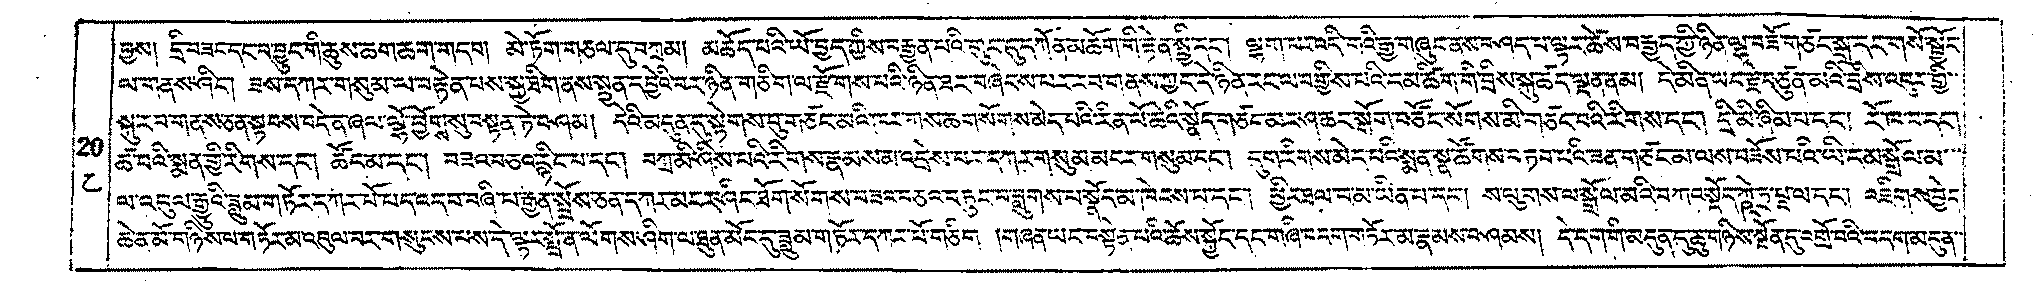བྱས། དྲི་བཟང་དང་བ་བྱུང་གི་ཆུས་ཆག་ཆག་གདབ། མེ་ཏོག་གཅལ་དུ་བརྐམ། མཆོད་པའི་ཡོ་བྱད་ཀྱིས་བརྒྱན་པའི་གུང་དུ་དཀོན་མཆོག་གི་རྟེན་སྤྱི་དང་། ལྷག་པར་འདི་གའི་རྒྱ་གཞུང་ནས་བཤད་པ་ལྟར་ཚེས་བརྒྱད་ཀྱི་ཉིན་ལྷ་བཟོ་གཙང་སྒྲ་དང་གསོ་སྦྱོང་
ལ་གནས་ཤིང་། ཟས་དཀར་གསུམ་ལ་བརྟེན་པས་སྐྱ་ཐིག་ནས་སྤྱན་དབྱེའི་བར་ཉིན་གཅིག་ལ་རྫོགས་པའི་ཉིན་ཐང་བཞེངས་པར་རབ་གནས་ཀྱང་དེ་ཉིན་རང་ལ་བགྱིས་པའི་དམ་ཚིག་གི་བྲིས་སྐུ་ཚད་ལྡན་ནམ། དེ་མིན་ཡང་རྗེ་བཙུན་མའི་བྲིས་འབུར་གྱི་་་
སྐུ་རབ་གནས་ཅན་སྟབས་བདེ་ན་ཞལ་ལྷོ་ཕྱོགས་སུ་བསྟན་ཏེ་བཤམ། དེའི་མདུན་དུ་སྟེགས་བུ་གཙང་མའི་ཁར་གས་ཆག་སོགས་མེད་པའི་རིན་པོ་ཆེའི་སྣོད་གཙང་མར་ཤ་ཆང་སྒོག་བཙོང་སོགས་མི་གཙང་བའི་རིགས་དང་། དྲི་མི་ཞིམ་པ་དང་། དྲི་མི་ཞིམ་པ་དང་། རོ་ཁ་བ་དང་།
ཚ་བའི་སྨན་གྱི་རིགས་དང་། ཚོད་མ་དང་། བཟའ་བཅའ་རྙིང་པ་དང་། བཀྲ་མི་ཤིས་པའི་རིགས་རྣམས་མ་འདྲེས་པར་དཀར་གསུམ་མངར་གསུམ་དང་། དུག་རིགས་མེད་པའི་སྨན་སྣ་ཚོགས་བཏབ་པའི་ཟན་གཙང་མ་ལས་བཟོས་པའི་ཡི་དམ་སྒྲོལ་མ་་་
ལ་འབུལ་རྒྱུའི་ཟླུམ་གཏོར་དཀར་པོ་པད་འདབ་བཞི་པ་རྒྱན་སྤྲོས་ཅན་དཀར་མངར་ཤིང་ཐོག་སོགས་བཟའ་བཅའ་བཏུང་བ་བླུགས་པ་སྣོད་མ་ཁེངས་པ་དང་། ཕྱིར་ཐལ་བ་མ་ཡིན་པ་དང་། ས་ལུགས་ལ་སྒྲོལ་མའི་བཀའ་སྡོད་ཀྵེ་ཏྲ་པཱ་ལ་དང་། འཇིགས་བྱེད་
ཆེན་མོ་གཉིས་ལ་གཏོར་མ་འབུལ་བར་གསུངས་པས་དེ་ལྟར་སྤྲོ་ན་ལོགས་ཤིག་ལ་ཐུན་མོང་དུ་ཟླུམ་གཏོར་དཀར་པོ་གཅིག །གཞན་ཡང་བསྟེན་པའི་ཆོས་སྐྱོང་དང་གཞི་བདག་གཏོར་མ་རྣམས་བཤམས། དེ་དག་གི་མདུན་དུ་ཆུ་གཉིས་སྔོན་དུ་འགྲོ་བའི་བདག་མདུན་་་